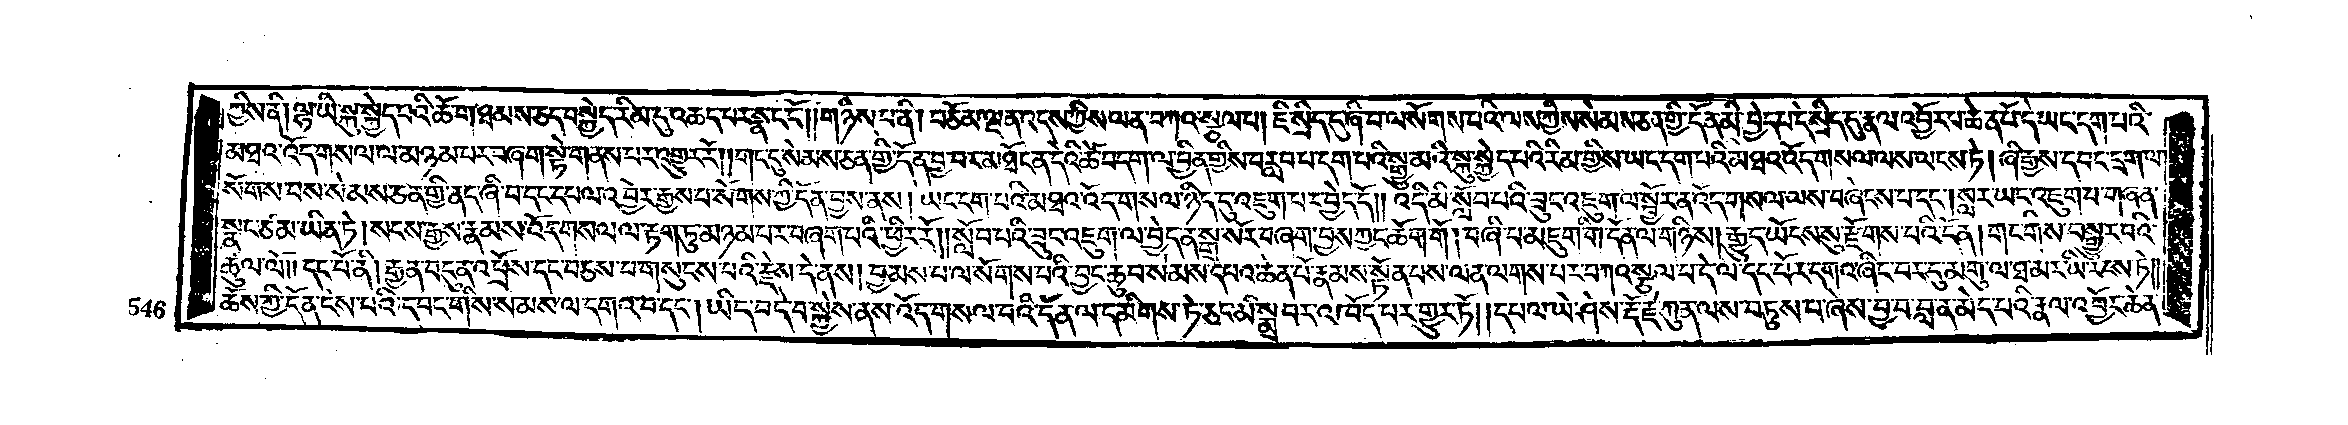ཀྱིས་ནི། ལྷ་ཡི་སྐུ་སྐྱེད་པའི་ཆོ་ག་ཐམས་ཅད་བསྐྱེད་རིམ་དུ་འཆད་པར་སྣང་ངོ། །གཉིས་པ་ནི། བཅོམ་ལྡན་འདས་ཀྱིས་ལན་བཀའ་སྩལ་པ། ཇི་སྲིད་དུ་ཞི་བ་ལ་སོགས་པའི་ལས་ཀྱིས་སེམས་ཅན་གྱི་དོན་མི་བྱེད་པ་དེ་སྲིད་དུ་རྣལ་འབྱོར་པ་ཆེན་པོ་དེ་ཡང་དག་པའི་
མཐའ་འོད་གསལ་ལ་མཉམ་པར་བཞག་སྟེ་གནས་པར་འགྱུར་རོ། །གང་དུ་སེམས་ཅན་གྱི་དོན་བྱ་བར་མཐོང་ན་དེའི་ཚེ་བདག་ལ་བྱིན་གྱིས་བརླབ་པ་དག་པའི་སྒྱུ་མའི་སྐུ་སྐྱེད་པའི་རིམ་གྱིས་ཡང་དག་པའི་མཐའ་འོད་གསལ་ལས་ལངས་ཏེ། ཞི་རྒྱས་དབང་དྲག་ལ་
སོགས་པས་སེམས་ཅན་གྱི་ནད་ཞི་བ་དང་དཔལ་འབྱོར་རྒྱས་པ་སོགས་ཀྱི་དོན་བྱས་ནས། ཡང་དག་པའི་མཐའ་འོད་གསལ་ཉིད་དུ་འཇུག་པར་བྱེད་དོ། །འདི་མི་སློབ་པའི་ཟུང་འཇུག་ལ་སྦྱོར་ན་འོད་གསལ་ལས་བཞེངས་པ་དང་། སླར་ཡང་འཇུག་པ་གཞན་
སྣང་ཙམ་ཡིན་ཏེ། སངས་རྒྱས་རྣམས་འོད་གསལ་ལ་རྟག་ཏུ་མཉམ་པར་བཞག་པའི་ཕྱིར་རོ། །སློབ་པའི་ཟུང་འཇུག་ལ་བྱེད་ན་སྒྲ་སོར་བཞག་བྱས་ཀྱང་ཆོག་གོ །བཞི་པ་མཇུག་གི་དོན་ལ་གཉིས། རྒྱུད་ཡོངས་སུ་རྫོགས་པའི་དོན། གང་གིས་བསྒྱུར་བའི་
ཚུལ་ལོ། །དང་པོ་ནི། རྒྱན་བདུན་འཕྲེས་དང་བཅས་པ་གསུངས་པའི་རྗེས་དེ་ནས། བྱམས་པ་ལ་སོགས་པའི་བྱང་ཆུབ་སེམས་དཔའ་ཆེན་པོ་རྣམས་སྟོན་པས་ལན་ལགས་པར་བཀའ་སྩལ་པ་དེ་ལ་དང་པོར་དགའ་ཞིང་བར་དུ་མགུ་ལ་ཐ་མར་ཡི་རངས་ཏེ། །
ཆོས་ཀྱི་དོན་ངེས་པའི་དབང་གིས་སེམས་ལ་དགའ་བ་དང་། ཡིད་བདེ་བ་སྐྱེས་ནས་འོད་གསལ་བའི་དོན་ལ་དམིགས་ཏེ་ཅང་མི་སྨྲ་བར་འཁོད་པར་གྱུར་ཏོ། །དཔལ་ཡེ་ཤེས་རྡོ་རྗེ་ཀུན་ལས་བཏུས་པ་ཞེས་བྱ་བ་བླ་ན་མེད་པའི་རྣལ་འབྱོར་ཆེན་